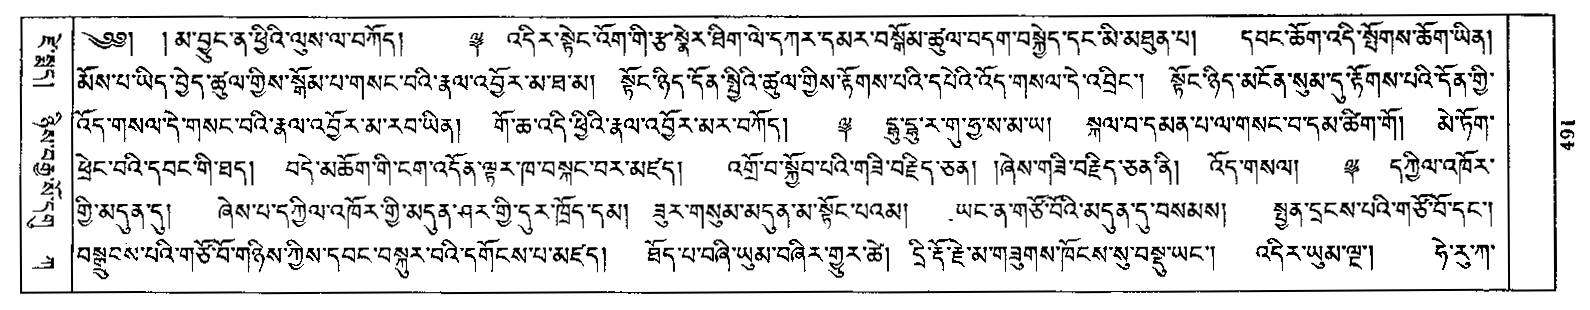༄༅། །མ་བྱུང་ན་ཕྱིའི་ལུས་ལ་བཀོད། ༈ འདིར་སྟེང་འོག་གི་རྩ་སྣེར་ཐིག་ལེ་དཀར་དམར་བསྒོམ་ཚུལ་བདག་བསྐྱེད་དང་མི་མཐུན་པ། དབང་ཆོག་འདི་སྤོགས་ཆོག་ཡིན།
མོས་པ་ཡིད་བྱེད་ཚུལ་གྱིས་སྒོམ་པ་གསང་བའི་རྣལ་འབྱོར་མ་ཐ་མ། སྟོང་ཉིད་དོན་སྤྱིའི་ཚུལ་གྱིས་རྟོགས་པའི་དཔེའི་འོད་གསལ་དེ་འབྲིང་། སྟོང་ཉིད་མངོན་སུམ་དུ་རྟོགས་པའི་དོན་གྱི་
འོད་གསལ་དེ་གསང་བའི་རྣལ་འབྱོར་མ་རབ་ཡིན། གོ་ཆ་འདི་ཕྱིའི་རྣལ་འབྱོར་མར་བཀོད། ༈ དྷུ་དྷུ་ར་གུ་ཧྱ་ས་མ་ཡ། སྐལ་བ་དམན་པ་ལ་གསང་བ་དམ་ཚིག་གོ། མེ་ཏོག་
ཕྲེང་བའི་དབང་གི་ཐད། བདེ་མཆོག་གི་ངག་འདོན་ལྟར་ཁ་བསྐང་བར་མཛད། འགྲོ་བ་སྐྱོབ་པའི་གཟི་བརྗིད་ཅན། །ཞེས་གཟི་བརྗིད་ཅན་ནི། འོད་གསལ། ༈ དཀྱིལ་འཁོར་
གྱི་མདུན་དུ། ཞེས་པ་དཀྱིལ་འཁོར་གྱི་མདུན་ཤར་གྱི་དུར་ཁྲོད་དམ། ཟུར་གསུམ་མདུན་མ་སྟོང་པའམ། ཡང་ན་གཙོ་བོའི་མདུན་དུ་བསམས། སྤྱན་དྲངས་པའི་གཙོ་བོ་དང་།
བསྒྲུབས་པའི་གཙོ་བོ་གཉིས་ཀྱིས་དབང་བསྐུར་བའི་དགོངས་པ་མཛད། ཐོད་པ་བཞི་ཡུམ་བཞིར་གྱུར་ཚེ། དྲི་རྡོ་རྗེ་མ་གཟུགས་ཁོངས་སུ་བསྡུ་ཡང་། འདིར་ཡུམ་ལྔ། ཧེ་རུ་ཀ་